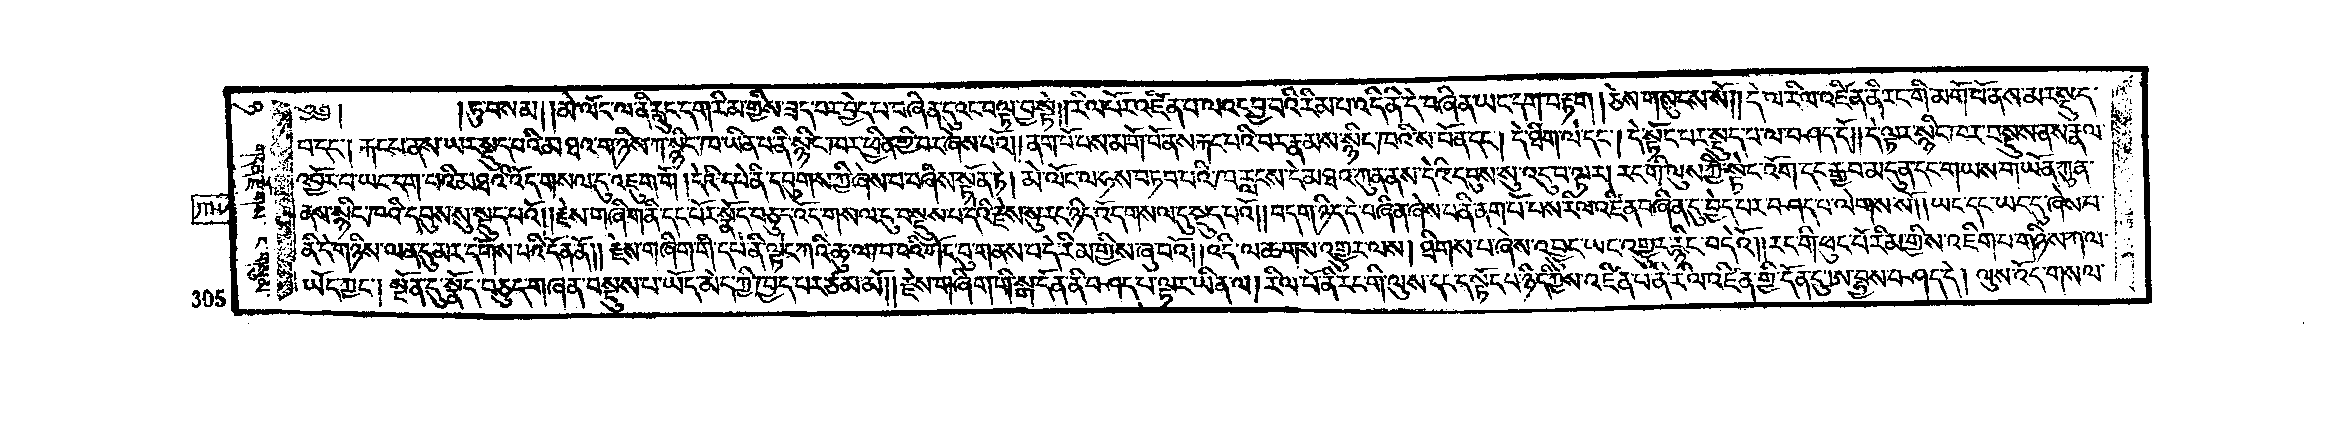༄༅། །ཏུ་བསམ། །མེ་ལོང་ལ་ནི་རླུང་དག་རིམ་གྱིས་ཟད་པར་བྱེད་པ་བཞིན་དུའང་བལྟ་བྱ་སྟེ། །རིལ་པོར་འཛིན་པ་ལའང་བྱ་བའི་རིམ་པ་འདི་ནི་དེ་བཞིན་ཡང་དག་བརྟག །ཅེས་གསུངས་སོ། །དེ་ལ་རིལ་འཛིན་ནི་རང་གི་མགོ་བོ་ནས་མར་སྡུད་
པ་དང་། རྐང་པ་ནས་ཡར་སྡུད་པའི་མཐའ་གཉིས་ཀ་སྙིང་ཁ་ཡིན་པ་ནི་སྙིང་ཁར་ཕྱིན་གྱི་བར་ཞེས་པའོ། །ནག་པོ་པས་མགོ་བེ་ནས་རྐང་པའི་བར་རྣམས་སྙིང་ཁའི་ས་བོན་དང་། དེ་ཐིག་ལེ་དང་། དེ་སྟོང་པར་སྡུད་པ་ལ་བཤད་དོ། །དེ་ལྟར་སྙིང་ཁར་བསྡུས་ནས་རྣལ་
འབྱོར་པ་ཡང་དག་པའི་མཐའི་འོད་གསལ་དུ་འཇུག་གོ །དེའི་དཔེ་ནི་དབུགས་ཀྱི་ཞེས་པ་བཞིས་སྟོན་ཏེ། མེ་ལོང་ལ་ཧས་བཏབ་པའི་ཁ་རླངས་དེ་མཐའ་ཀུན་ནས་དེའི་དབུས་སུ་འདུ་བ་ལྟར། རང་གི་ལུས་ཀྱི་སྟེང་འོག་དང་རྒྱབ་མདུན་དང་གཡས་གཡོན་ཀུན་
ནས་སྙིང་ཁའི་དབུས་སུ་སྡུད་པའོ། །རྗེས་གཞིག་ནི་དང་པོར་སྣོད་བཅུད་འོད་གསལ་དུ་བསྡུས་པ་དེའི་རྗེས་སུ་རང་ཉིད་འོད་གསལ་དུ་སྡུད་པའོ། །བདག་ཉིད་དེ་བཞིན་ཞེས་པ་ནི་ནག་པོ་པས་རིལ་འཛིན་བཞིན་དུ་བྱེད་པར་བཤད་པ་ལེགས་སོ། །ཡང་དང་ཡང་དུ་ཞེས་པ་
ནི་དེ་གཉིས་ལན་དུ་མར་དགོས་པའི་དོན་ནོ། །རྗེས་གཞིག་གི་དཔེ་ནི་ལྟེང་ཀའི་ཆུ་ལ་ཁ་བའི་གོང་བུ་གནས་པ་དེ་རིམ་གྱིས་ཞུ་བའོ། །འདི་ལ་ཆགས་འགྱུར་ལས། ཐིགས་པ་ཞས་འབྱུང་ཡང་འགྱུར་རྙིང་བདེའོ། །རང་གི་ཕུང་པོ་རིམ་གྱིས་འཇིག་པ་གཉིས་ཀ་ལ་
ཡོད་ཀྱང་། སྔོན་དུ་སྣོད་བཅུད་གཞན་བསྡུས་པ་ཡོད་མེད་ཀྱི་ཁྱད་པར་ཙམ་མོ། །རྗེས་གཞིག་གི་སྒ་དོན་ནི་བཤད་པ་ལྟར་ཡིན་ལ། རིལ་པོ་ནི་རང་གི་ལུས་དང་དེ་སྟོང་པ་ཉིད་ཀྱིས་འཛིན་པ་ནི་རིལ་འཛིན་གྱི་དོན་དུ་ཨ་བྷྱས་བཤད་དེ། ལུས་འོད་གསལ་